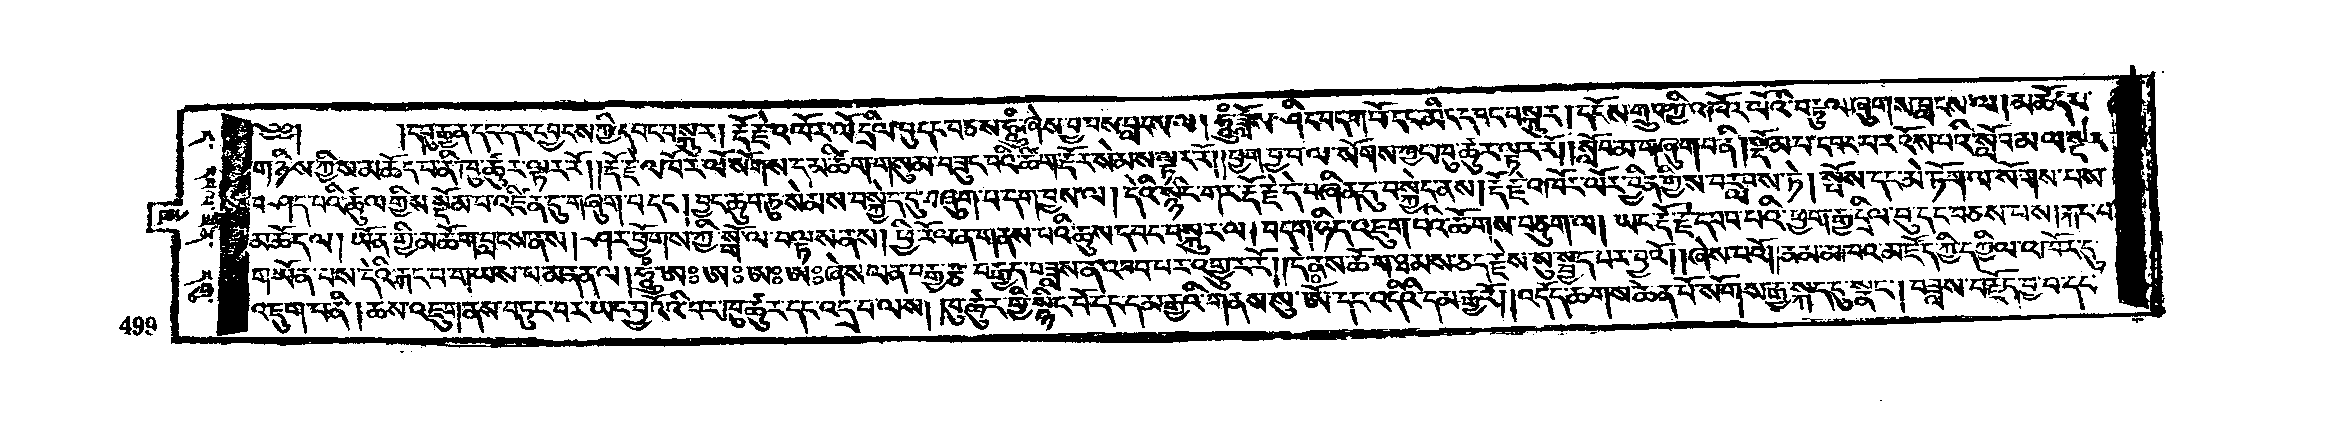༄༅། །དབུ་རྒྱན་དང་དར་དབྱངས་ཀྱི་དབང་བསྐུར། རྡོ་རྗེ་འཁོར་ལོ་དྲིལ་བུ་དང་བཅས་ཧཱུཾ་ཞེས་བྱ་བས་བླངས་ལ། ཧཱུཾ་ཟློས་ཤིང་བདག་པོ་དང་མིང་དབང་བསྐུར། དངོས་གྲུབ་ཀྱི་འཁོར་ལོའི་བརྟུལ་ཞུགས་བླངས་ལ། མཆོད་པ་
གཉིས་ཀྱིས་མཆོད་པ་ནི་ཁུ་ཚུར་ལྟར་རོ། །རྡོ་རྗེ་འཁོར་ལོ་སོགས་དམ་ཚིག་གསུམ་བཟུང་བའི་ཚིག་རྡོར་སེམས་ལྟར་རོ། །ཕྱག་བྱ་བ་ལ་སོགས་ཀྱང་ཁུ་ཚུར་ལྟར་རོ། །སློབ་མ་གཞུག་པ་ནི། ལྡོམ་པ་དབང་པར་འོས་པའི་སློབ་མ་ལ་སྡེར་
བཤད་པའི་ཚུལ་གྱིས་སྡོམ་པ་འཛིན་དུ་གཞུག་པ་དང་། བྱང་ཆུབ་ཏུ་སེམས་བསྐྱེད་དུ་བཞུག་པ་དག་བྱས་ལ། དེའི་སྙིང་གར་རྡོ་རྗེ་དེ་བཞིན་དུ་བསྐྱེད་ནས། རྡོ་རྗེ་འཁོར་ལོར་བྱིན་གྱིས་བརླབས་ཏེ། སྤོས་དང་མེ་ཏོག་ལ་སོགས་པས་
མཆོད་ལ། ཡོན་གྱི་མཆོག་བླངས་ནས། ཤར་ཕྱོགས་ཀྱི་སྒོ་ལ་བལྟས་ནས། ཕྱི་རོལ་ན་གནས་པའི་ཆུས་དབང་བསྐུར་ལ། བདག་ཉིད་འཇུག་པའི་ཆོ་གས་བཅུག་ལ། ཡང་རྡོ་རྗེ་དབབ་པའི་ཕྱག་རྒྱ་དྲིལ་བུ་དང་བཅས་པས། རྐང་པ་
གཡོན་པས་དེའི་རྐང་པ་གཡས་པ་མནན་ལ། ཧཱུཾ་ཨཿ ཨཿ ཨཿ ཨཿ ཞེས་ལན་བརྒྱ་རྩ་བརྒྱད་བཟླས་ན་འབབ་པར་འགྱུར་རོ། །དེ་ནས་ཆོ་ག་ཐམས་ཅད་རྗེས་སུ་སྤྱད་པར་བྱའོ། །ཞེས་པའོ། །ནམ་མཁའ་མཛོད་ཀྱི་དཀྱིལ་འཁོར་དུ་
འཇུག་པ་ནི། ཆས་འཇུག་ནས་བཏུང་བར་ཡང་བྱའོའི་བར་ཁུ་ཚུར་དང་འདྲ་བ་ལས། ཁུ་ཚུར་གྱི་སྙིང་པོ་དང་དམ་རྒྱའི་གནས་སུ་ཨོཾ་དང་འདིའི་དམ་རྒྱའོ། །འདོད་ཆགས་ཆེན་པོ་སོགས་རྒྱ་སྐད་དུ་སྣང་། བཟླས་བརྗོད་བྱ་བ་དང་